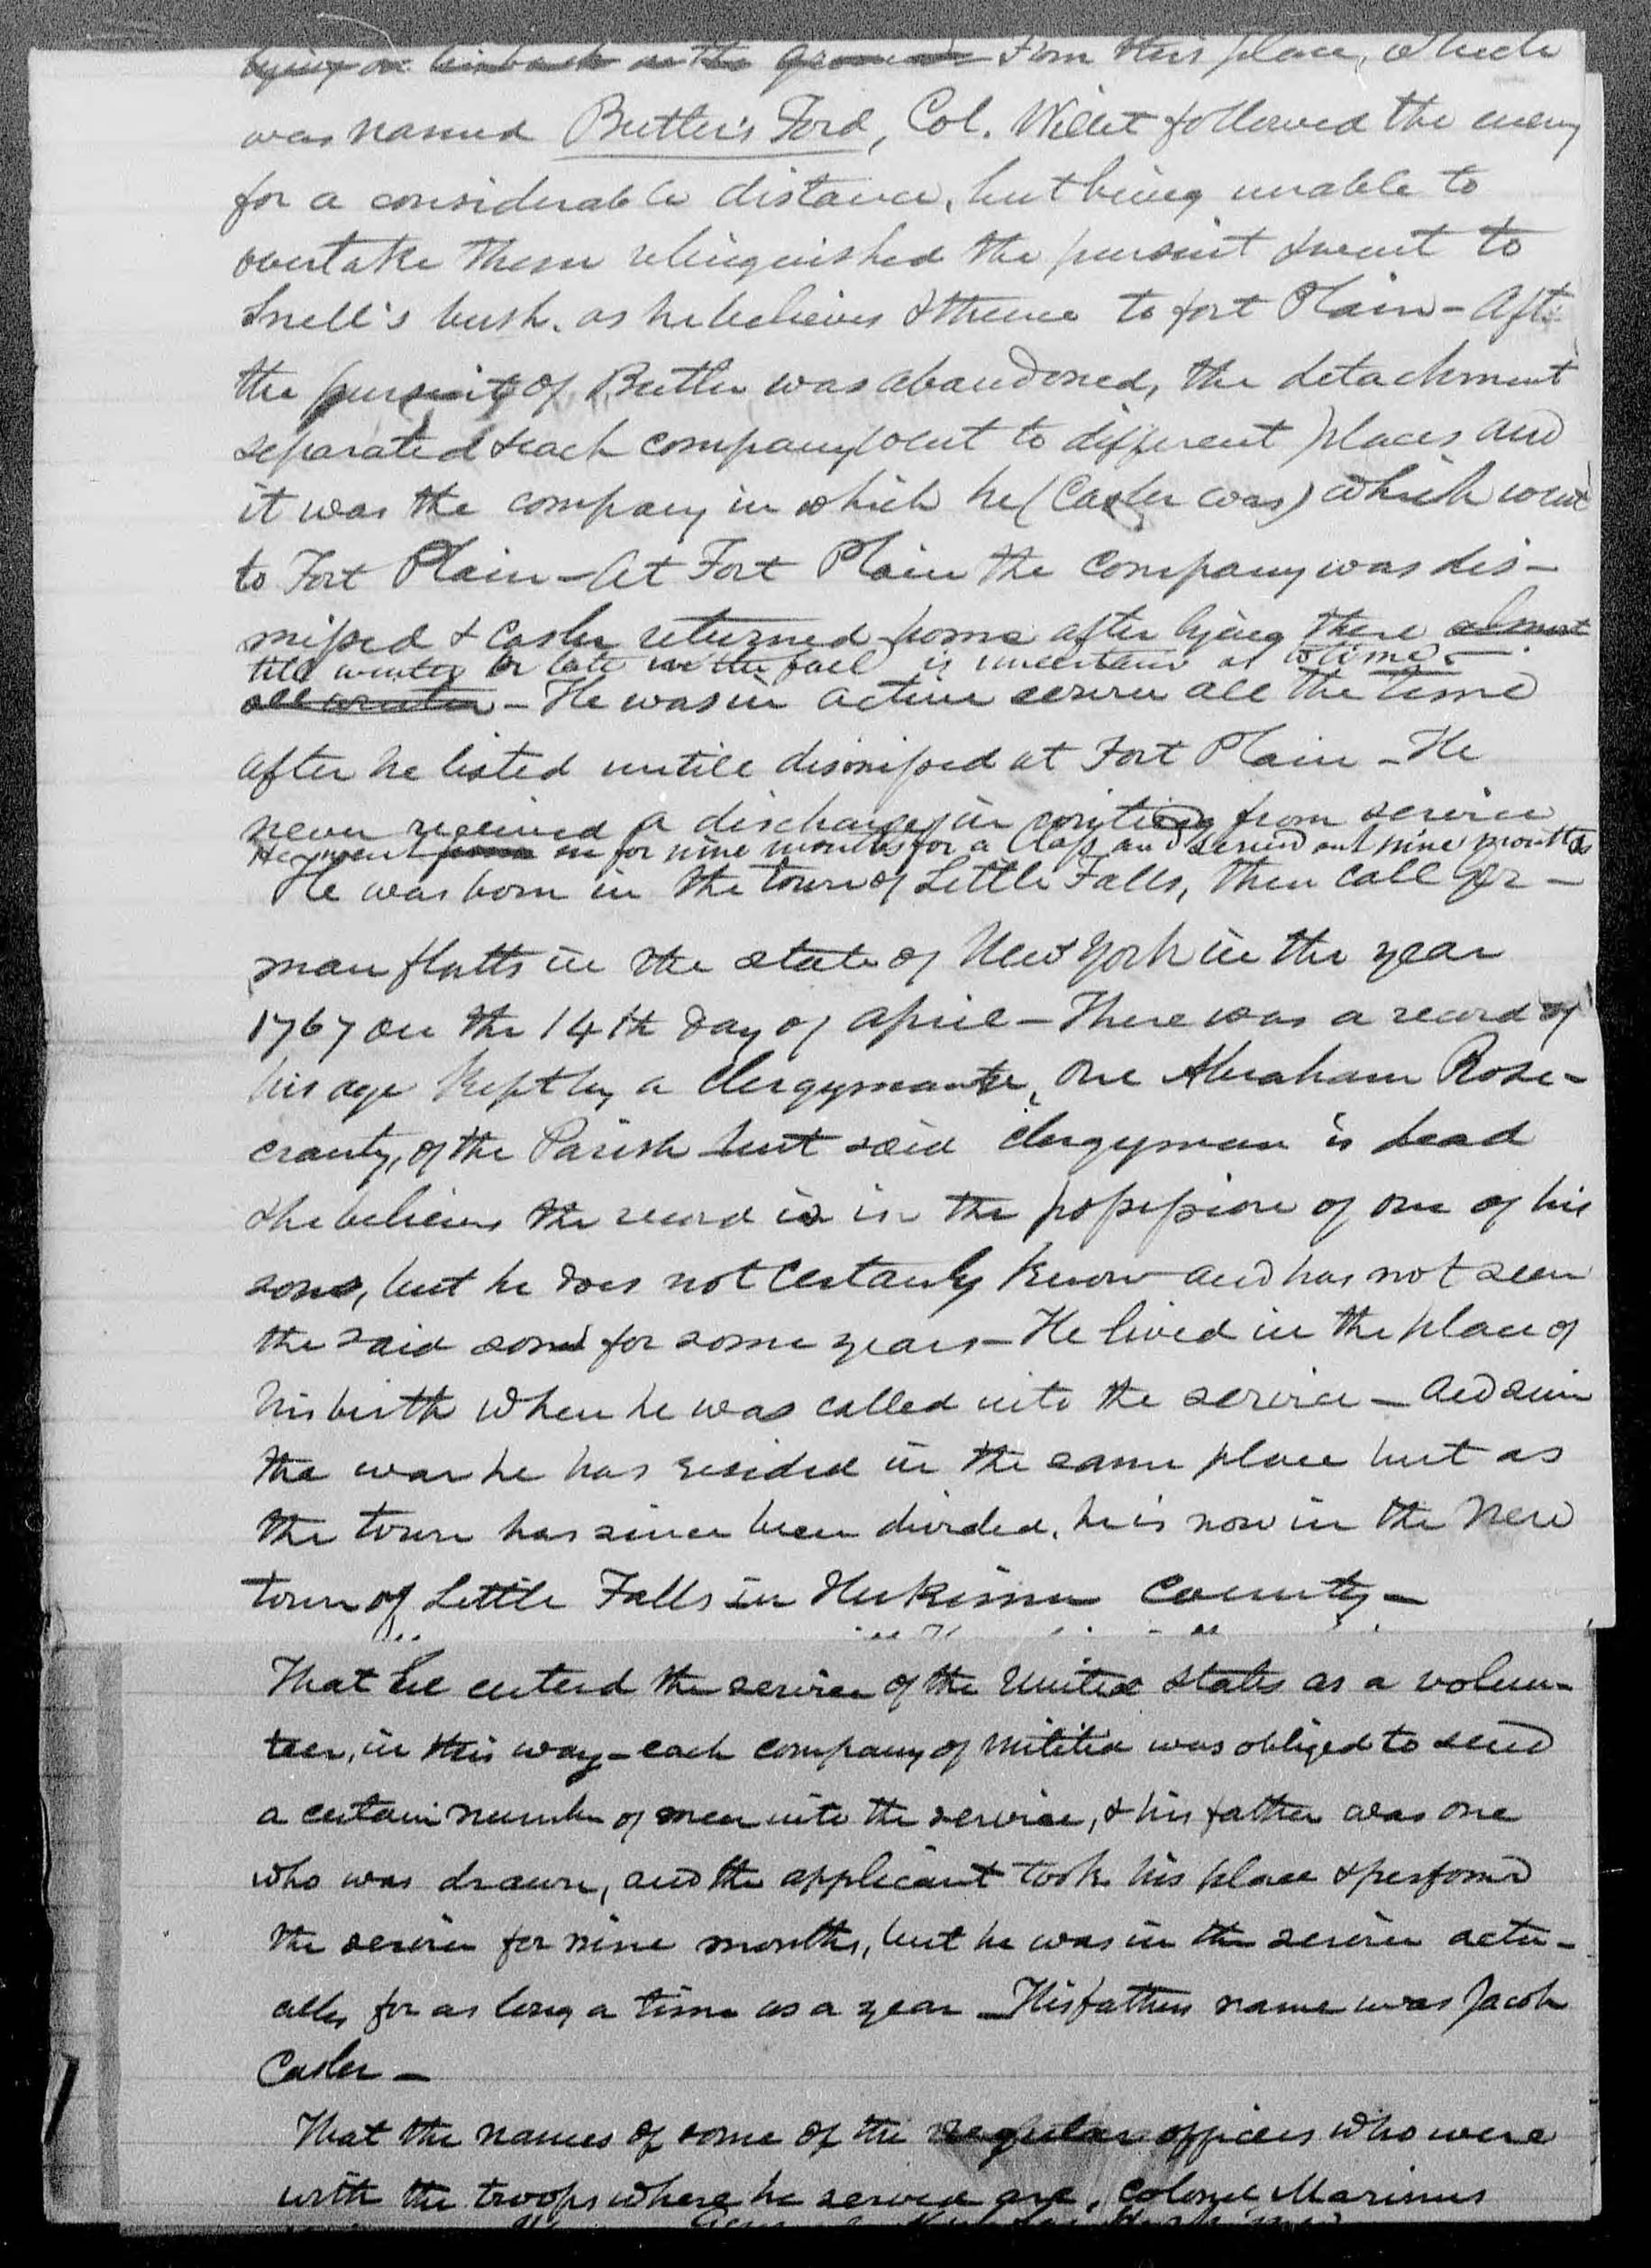[crossed out: lying on his back on the ground]
From this place, which was named Butler's Ford, Col. Willet followed the enemy for a considerable distance, but being unable to overtake them relinquished the pursuit & went to Snell's bush, as he believes & thence to fort Plain - After the pursuit of Butler was abandoned, the detachment separated & each company went to different places and it was the company in which he (Casler was) which went to Fort Plain - At Fort Plain the company was dismissed & Casler returned home after lying the till winter or late in the fall is uncertain as to time - He was in active service all the time after listed untill dismissed at Fort Plain - He never received a discharge in writing from service He went in for nine months for a class and served out nine months 
He was born in the town of Little Falls, the call German flatts in the State of New York in the year 1767 on the 14th day of April - There was a record of his age kept by a clergyman, one Abraham Rosecrantz, of the Parish - but said clergyman is dead & he believes the record is in the possession of one of his sons, but he does not certainly know - and has not seen the said son for some years - He lived in the place of his birth when he was called into the service - and since the war he has resided in the same place but as the town has since been divided, he is now in the New town of Little Falls in Herkimer County – 
That he entered the service of the United States as a volunteer, in this way - each company of Militia was obliged to send a certain number of men into the service, & his father was one who was drawn, and the applicant took his place & performed the service for nine months, but he was in the service actually for as long a time as a year - His fathers name was Jacob Casler –
That the names of some of the regular offices who were with the troops where he served are Colonel Marinus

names: Marinus, Abraham Rosecrantz, Butler, Casler, Jacob Casler, Butler, Casler, Willet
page: 6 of 66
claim: widow's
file: W. 6637, Richard Caslar, New York